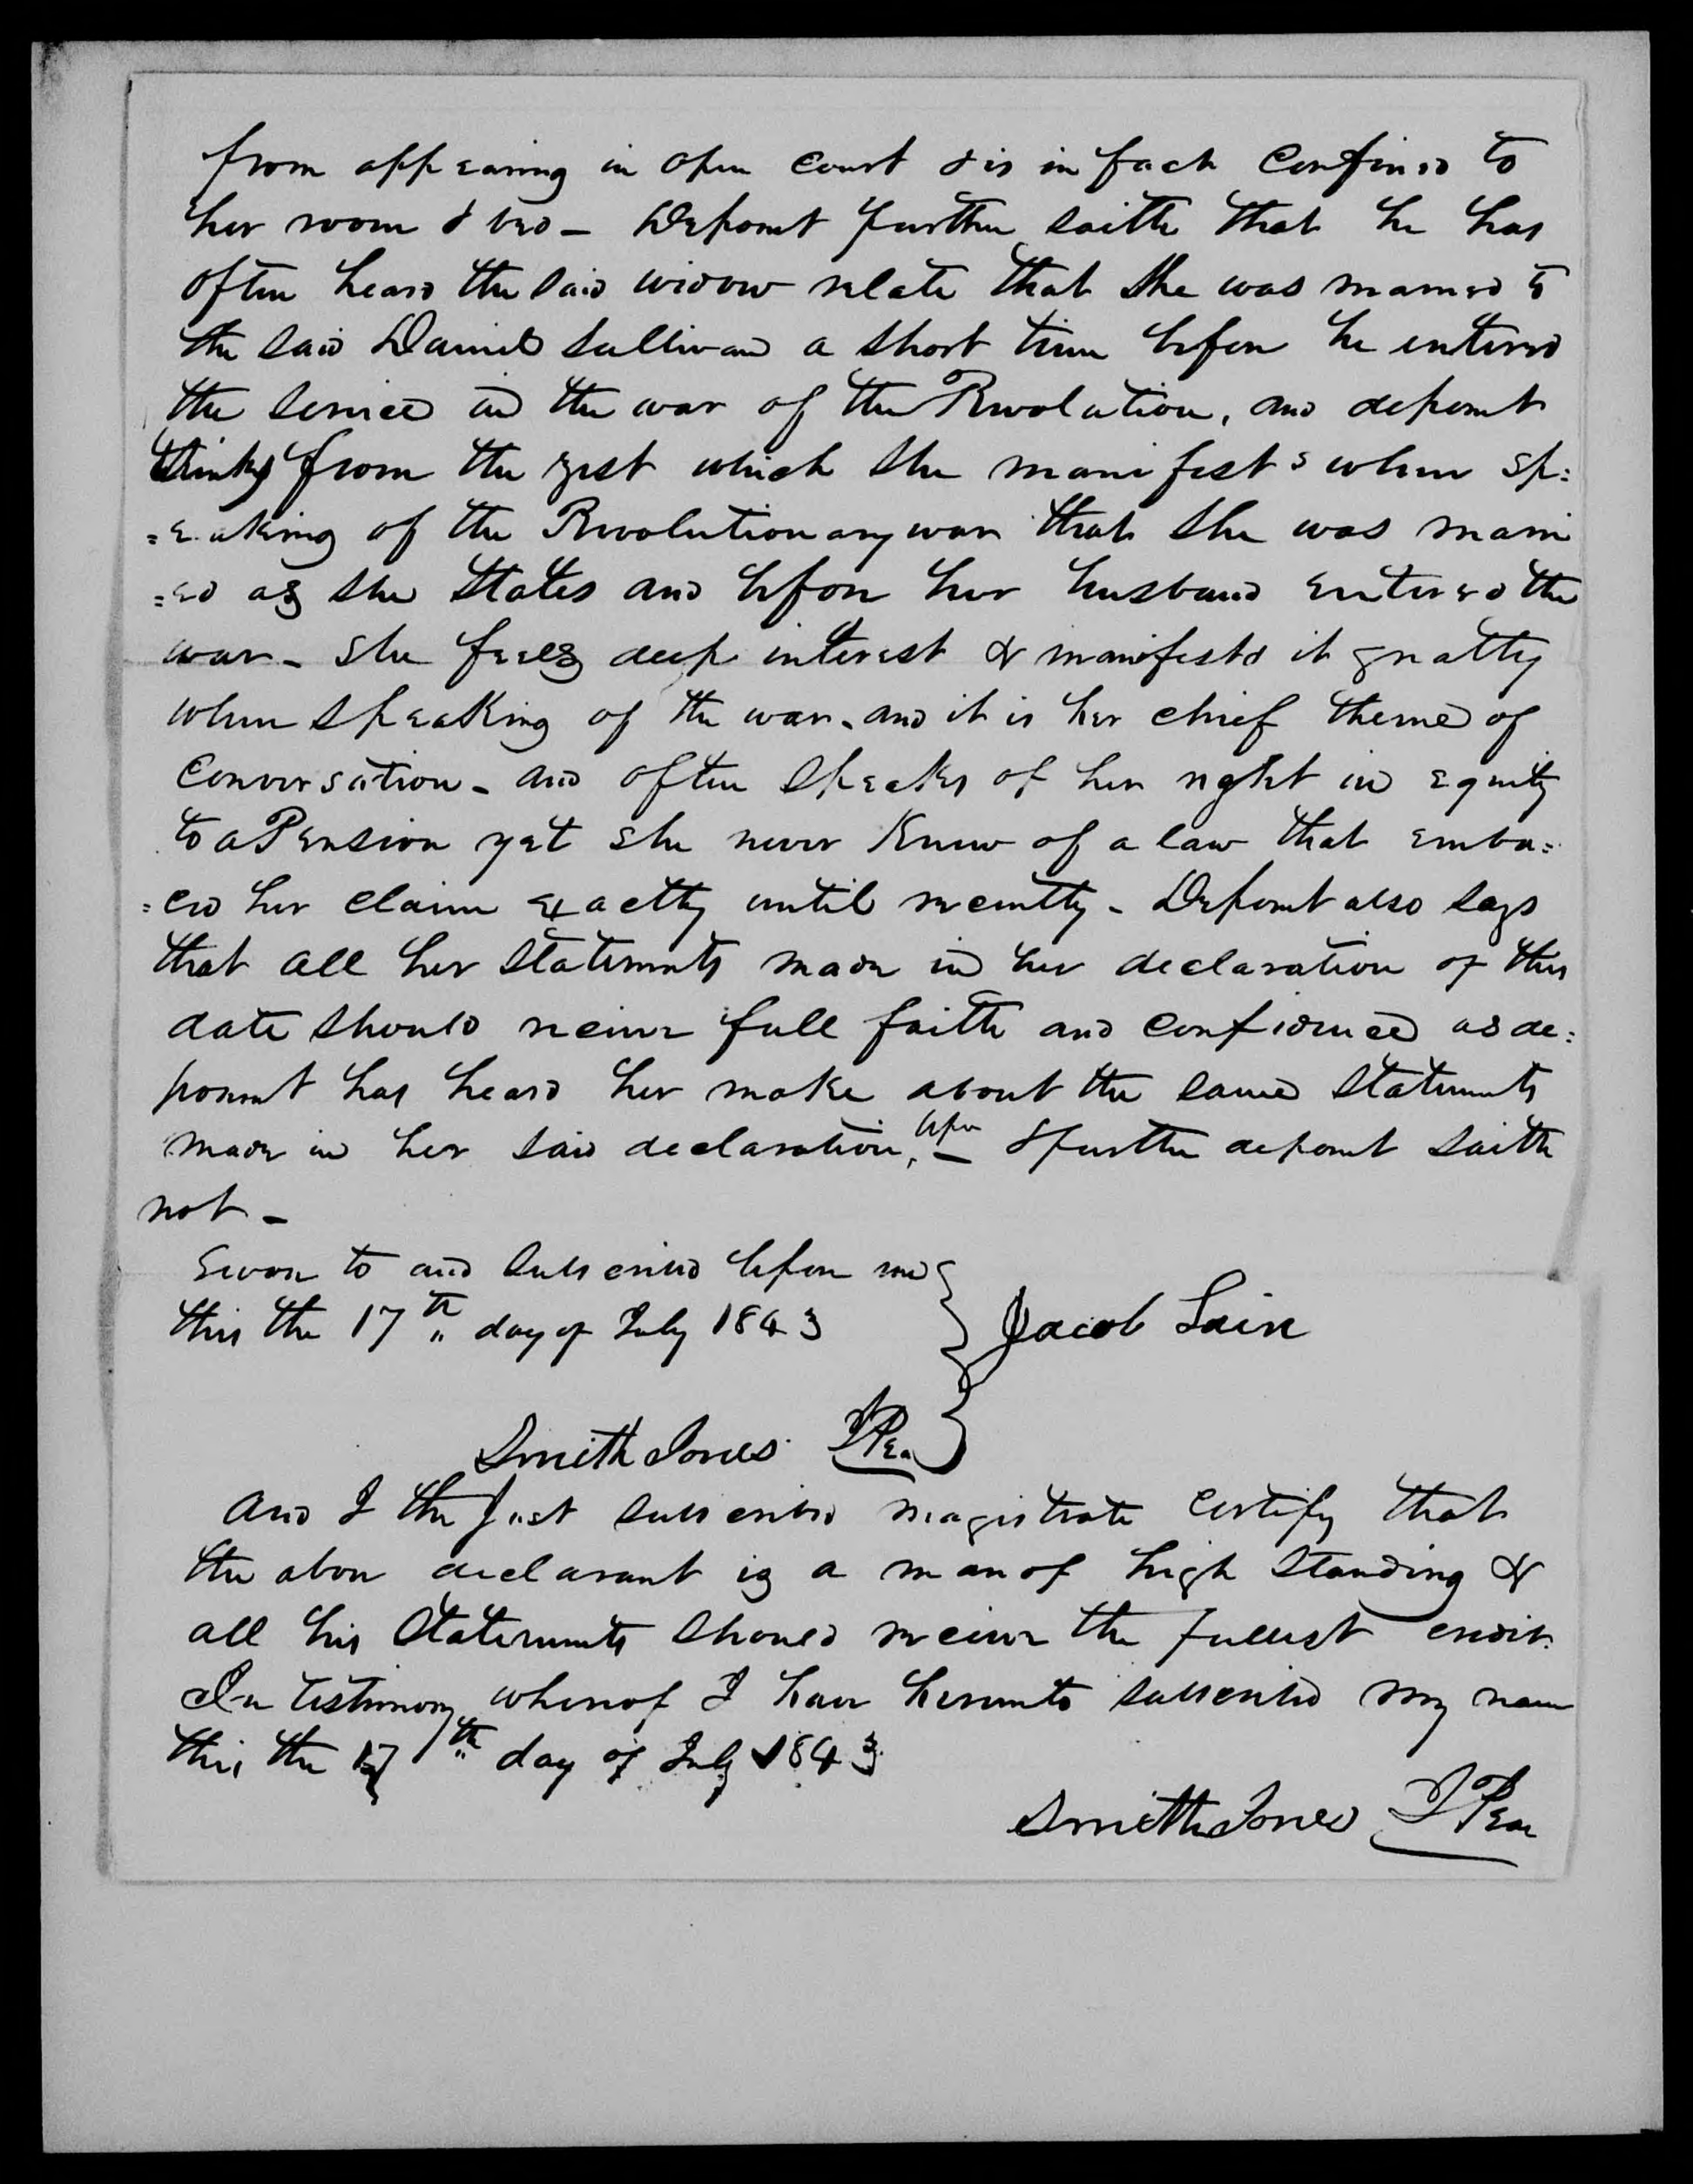from appearing in open court & is in fact confined to her room& bed. Deponent further saith that he has often heard the said widow relate that she was married to the said Daniel Sullivan a short time before he entered the service in the war of the Revolution, and deponent thinks from the gist which she manifests when speaking of the Revolutionary war that she was married as she states and before her husband entered the war. She feels deep interest & manifests it greatly when speaking of the war, and it is her chief theme of conversation, and often speaks of his right in equity to a Pension yet she never knew of a law that embraced her claim exactly until recently. Deponent also says that all her statements made in her declaration of this date should receive full faith and confidence as deponent has heard her make about the same statements made in her said declaration often, and further deponent saith not.
[signed] Jacob Lain
Sworn to and subscribed before me this the 17th day of July 1843
[signed] Smith Jones J Pea [Justice of the Peace]

And I the Just subscribed magistrate certify that the above declarant is a man of high standing & all his statements should receive the fullest credit. In testimony whereof I have hereunto subscribed my name this the 17th day of July 1843
[signed] Smith Jones J Pea [PJustice of the eace]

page: 35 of 78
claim: widow's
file: W. 25,169, for Daniel Sullivan, Maryland